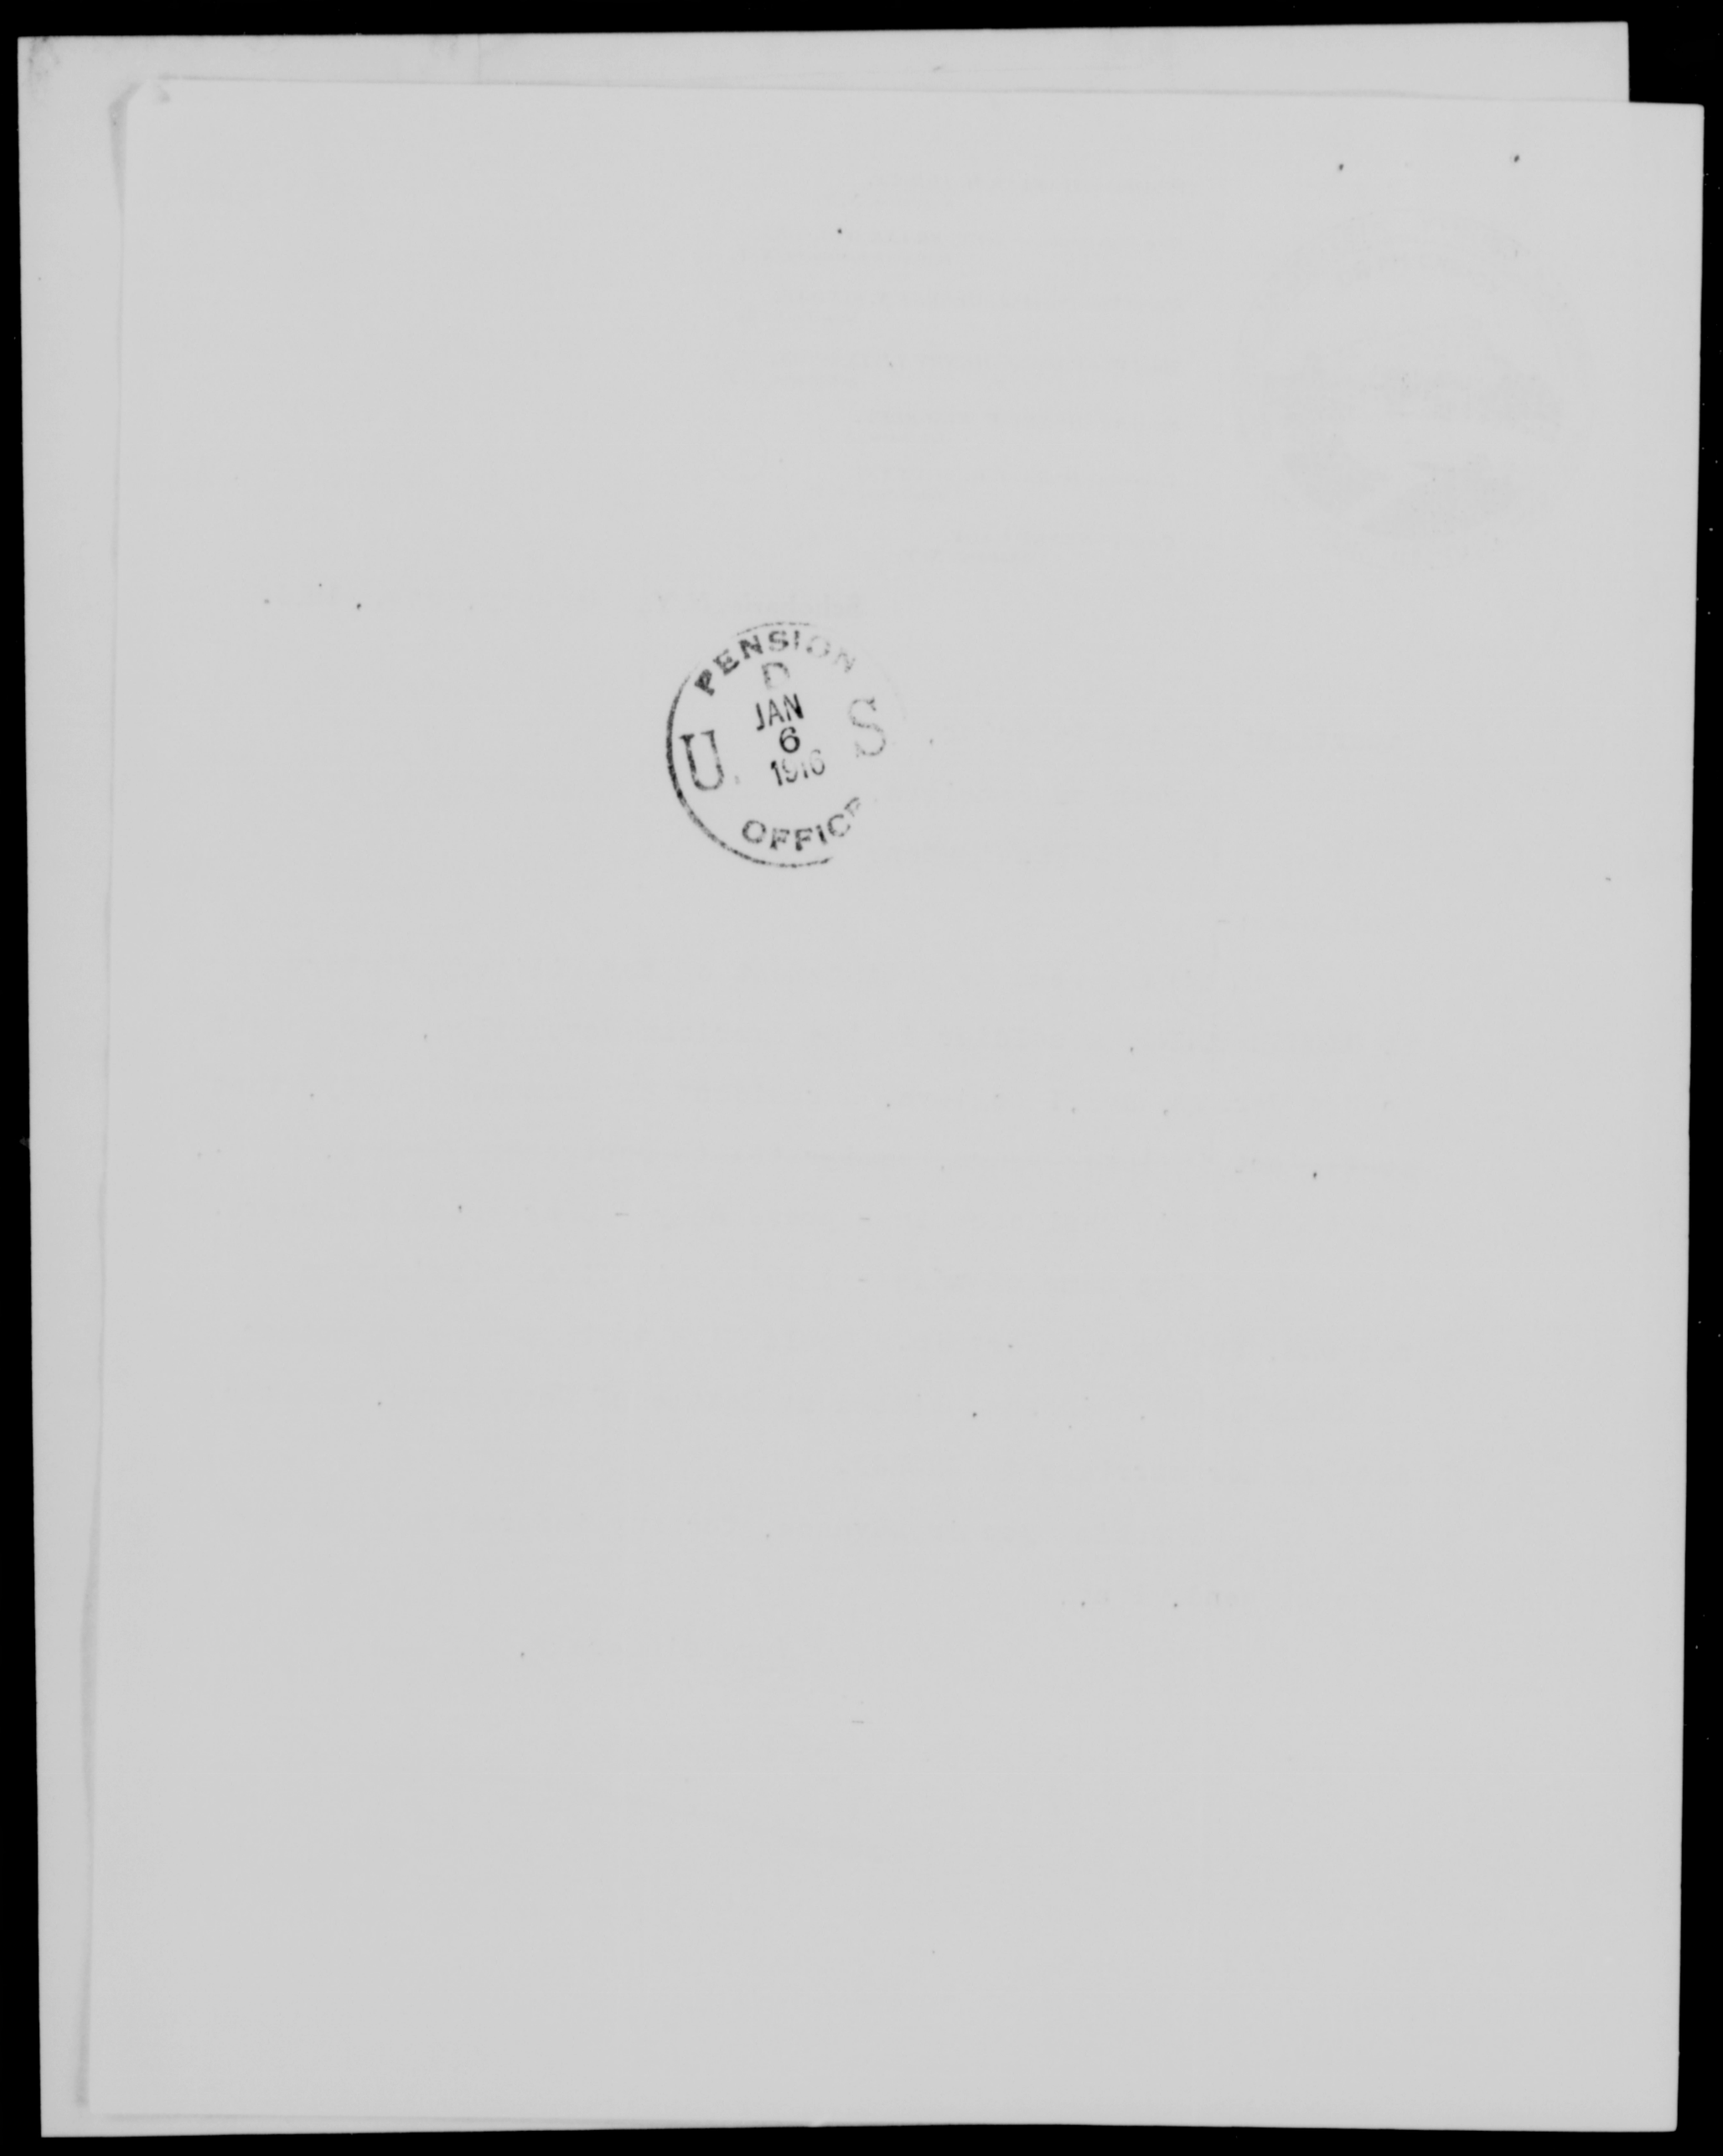U.S. Pension Office 
D
Jan.
6
1916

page: 36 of 67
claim: widow's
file: W. 7379, George Young, New Jersey